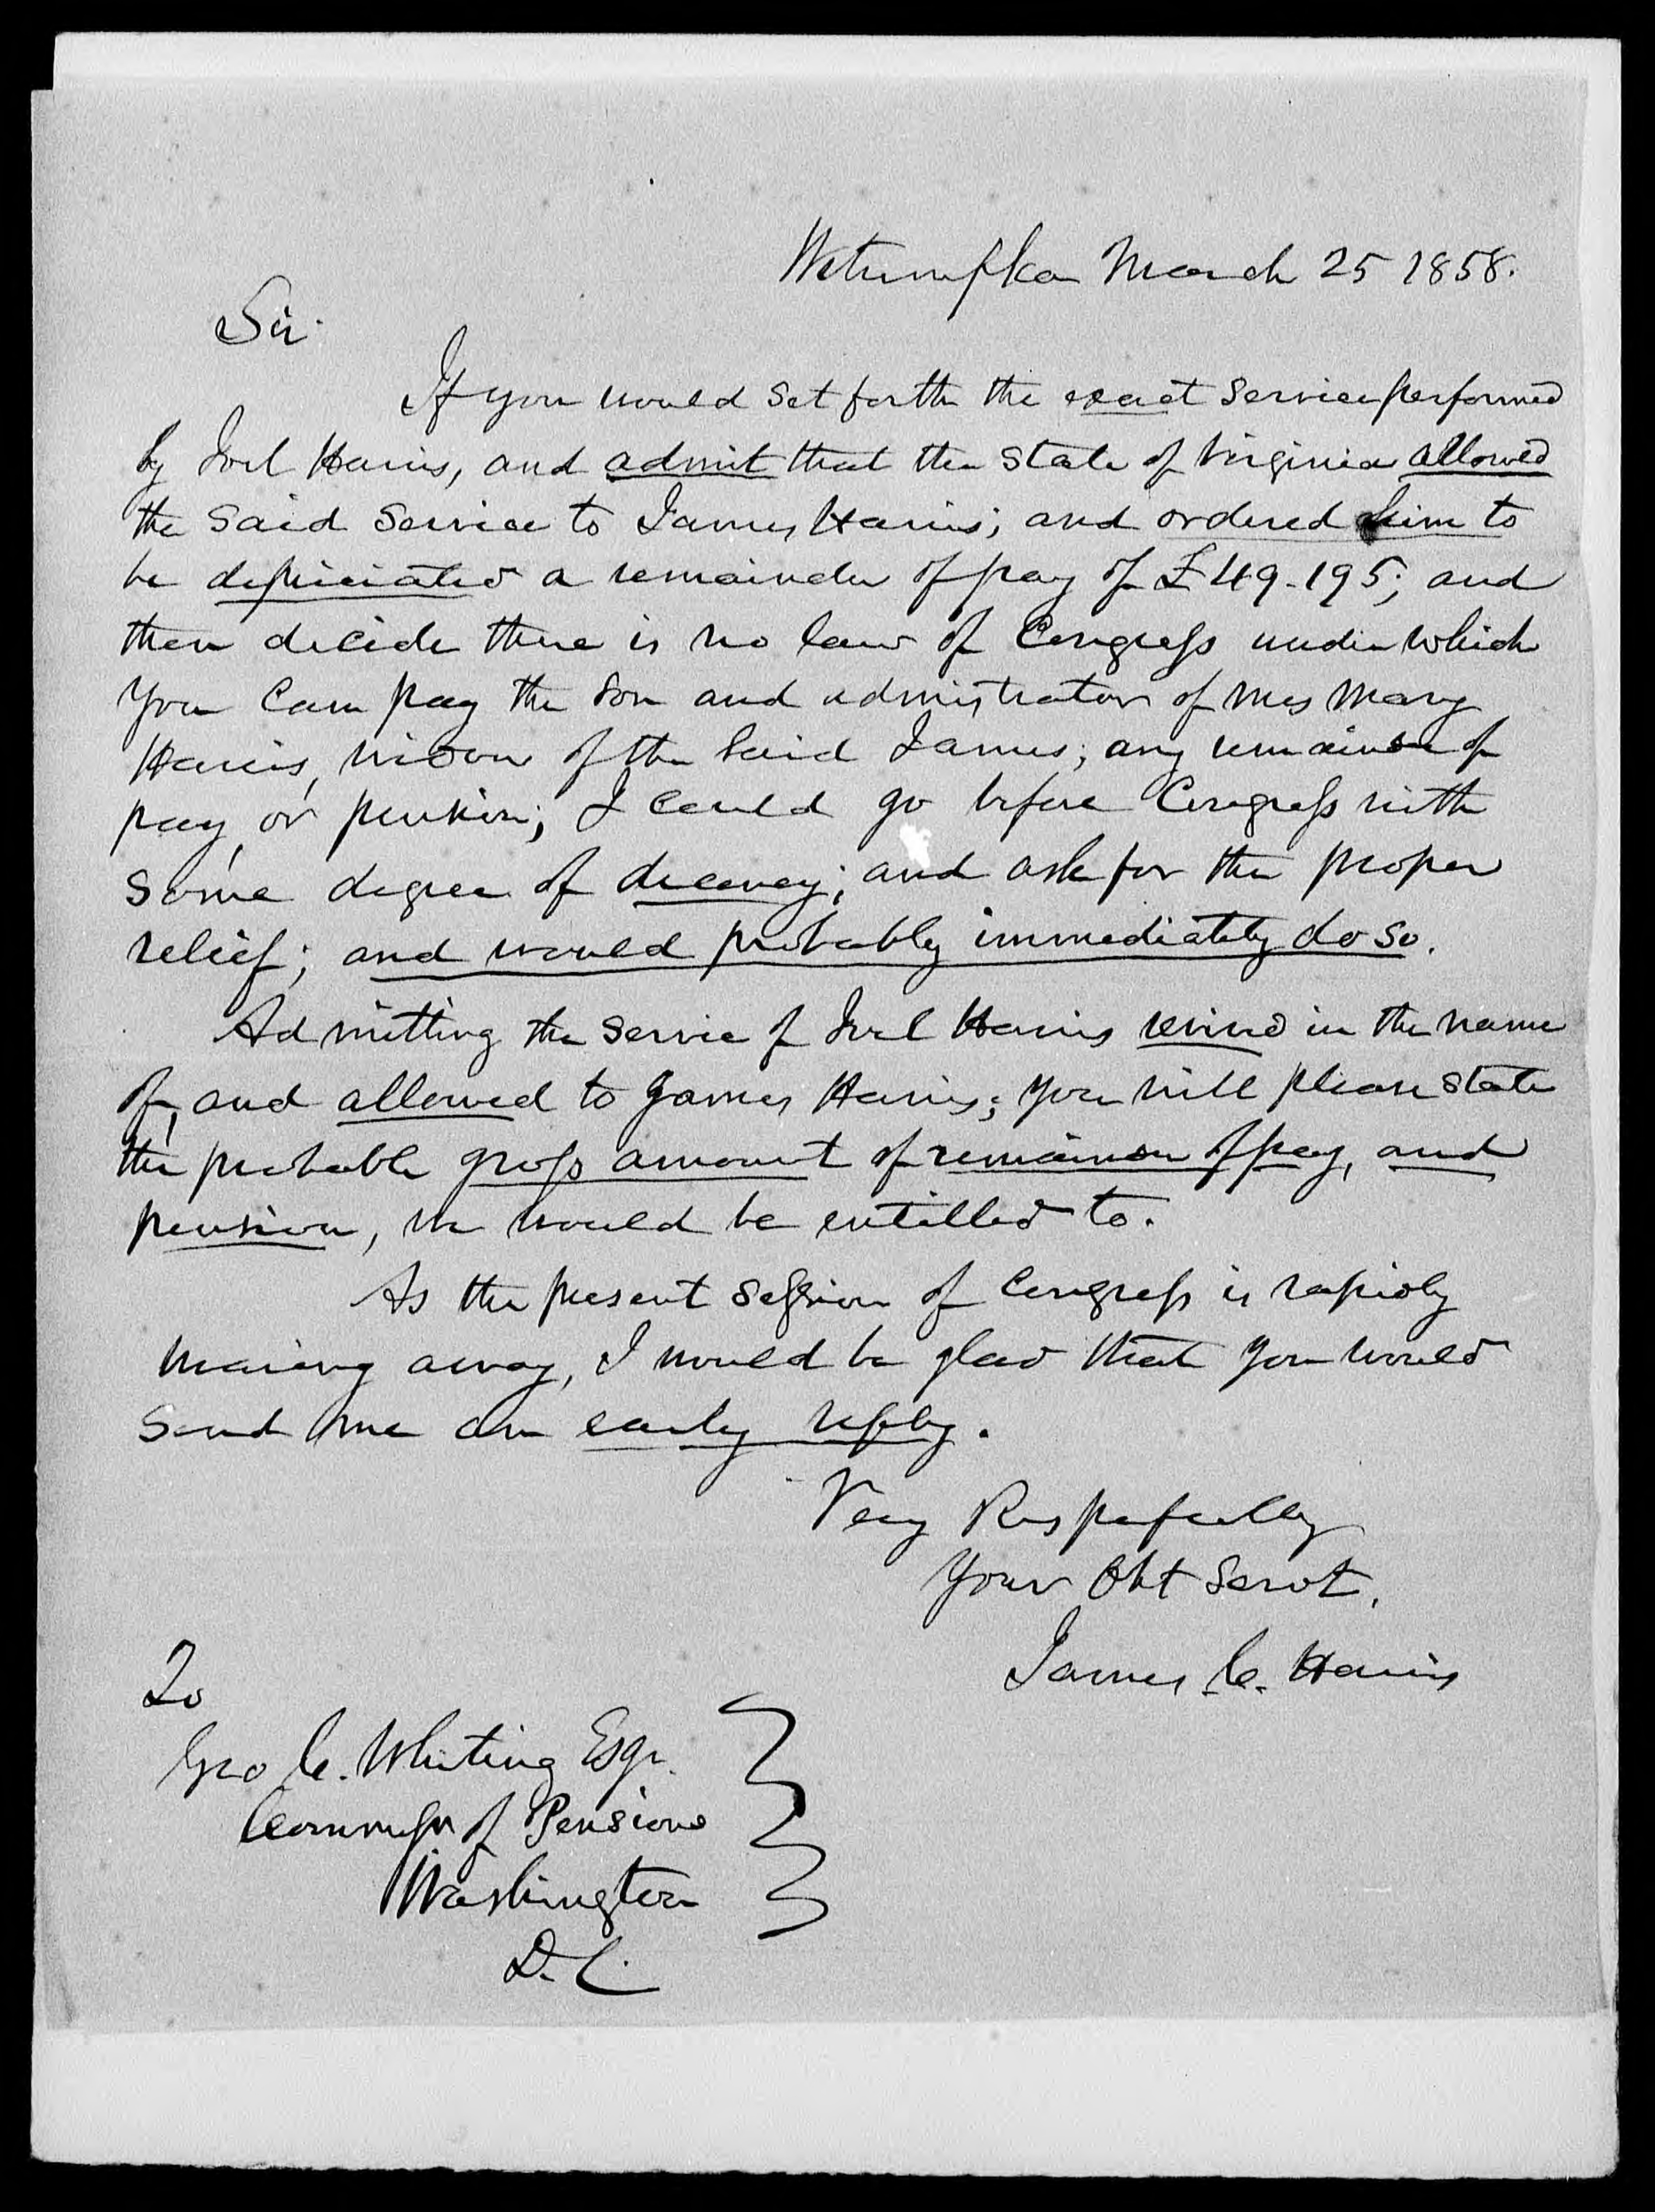Wetumpka March 25 1858

Sir
If you would set forth the exact service performed by Joel Harris, and admit that the State of Virginia allowed the said service to James Harris, and ordered him to be depreciated a remainder of pay of [pound sterling]49.19.5, and then decide there is no law of Congress under which you can pay the son and administrator of Mrs Mary Harris, widow of the said James, any remainder of pay, or pension, I could go before Congress with some degree of decency, and ask for the proper relief, and would probably immediately do so.
Admitting the service of Joel Harris received in the name of, and allowed to James Harris, you will please state the probable gross amount of remainder of pay, and pension, we would be entitled to.
As the present session of Congress is rapidly [?] away, I would be glad that you would send me an early reply.
Very Respectfully
Your Obt Servt
James C. Harris

To Geo C. Whiting Esqr}
Commissr of Pensions  }
Washington                  }
D.C.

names: Geo C Whiting, James Harris, James C Harris, Joel Harris, James Harris, James, Joel Harris, James Harris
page: 139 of 160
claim: rejected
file: R. 4666, James Harris, Va.